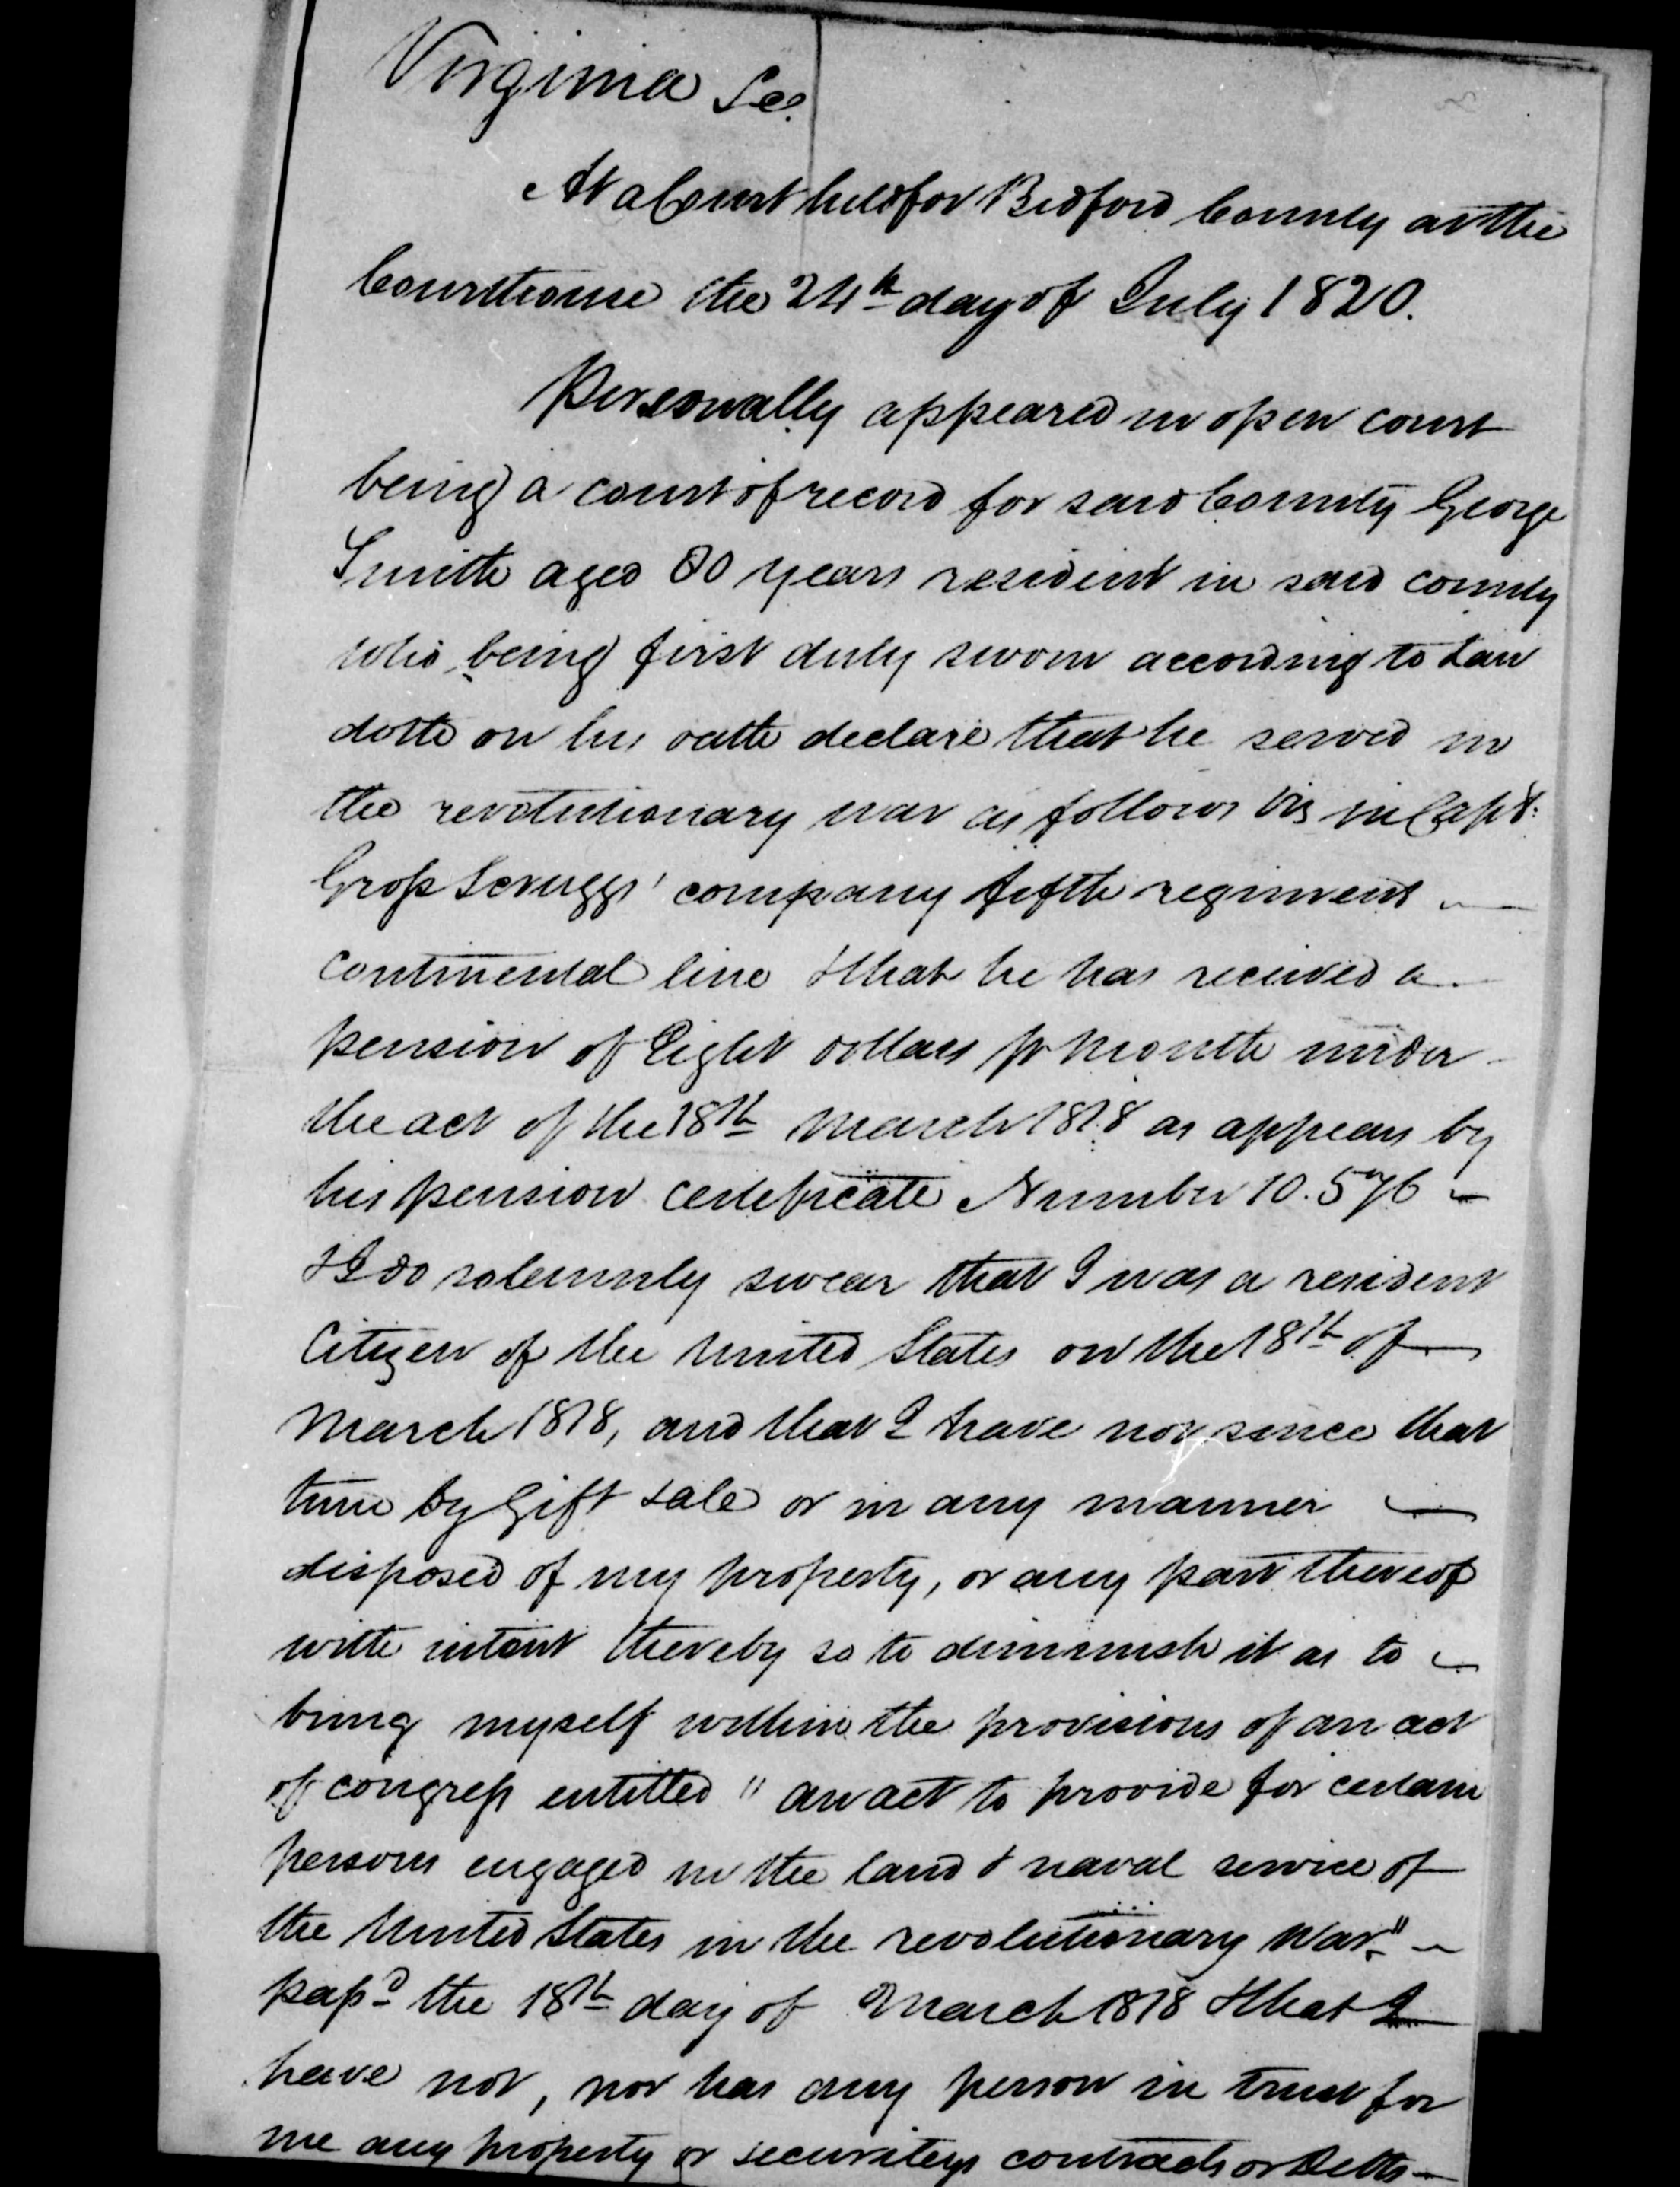Virginia {illegible}
At a Court held for Bedford County at the Courthouse the 24th day of July 1820.
Personally appeared in open court being a court of record for said County George Smith aged 80 years resident in said county who being first duly sworn according to Law doth on his oath declare that he served in the revolutionary war as follows viz in Capt. Gross Scruggs' company fifth regiment and continental line & that he has received a pension of Eight dollars per month under the act of the 18th March 1818 as appears by his pension certificate number 10.576. 
& I do solemnly swear that I was a resident citizen of the United States on the 18th of March 1818, and that I have not since that time by gift sale or in any manner disposed of my property, or any part thereof with intent thereby so to diminish it as to bring myself within the provisions of an act of congress entitled " an act to provide for certain persons engaged in the land & naval service of the United States in the revolutionary war" passd the 18th day of March 1818 & that I have not, nor has any person in trust for me any property or securiteys contracts or debts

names: George Smith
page: 7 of 16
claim: survivor's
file: S. 38,386, for George Smith, Virginia